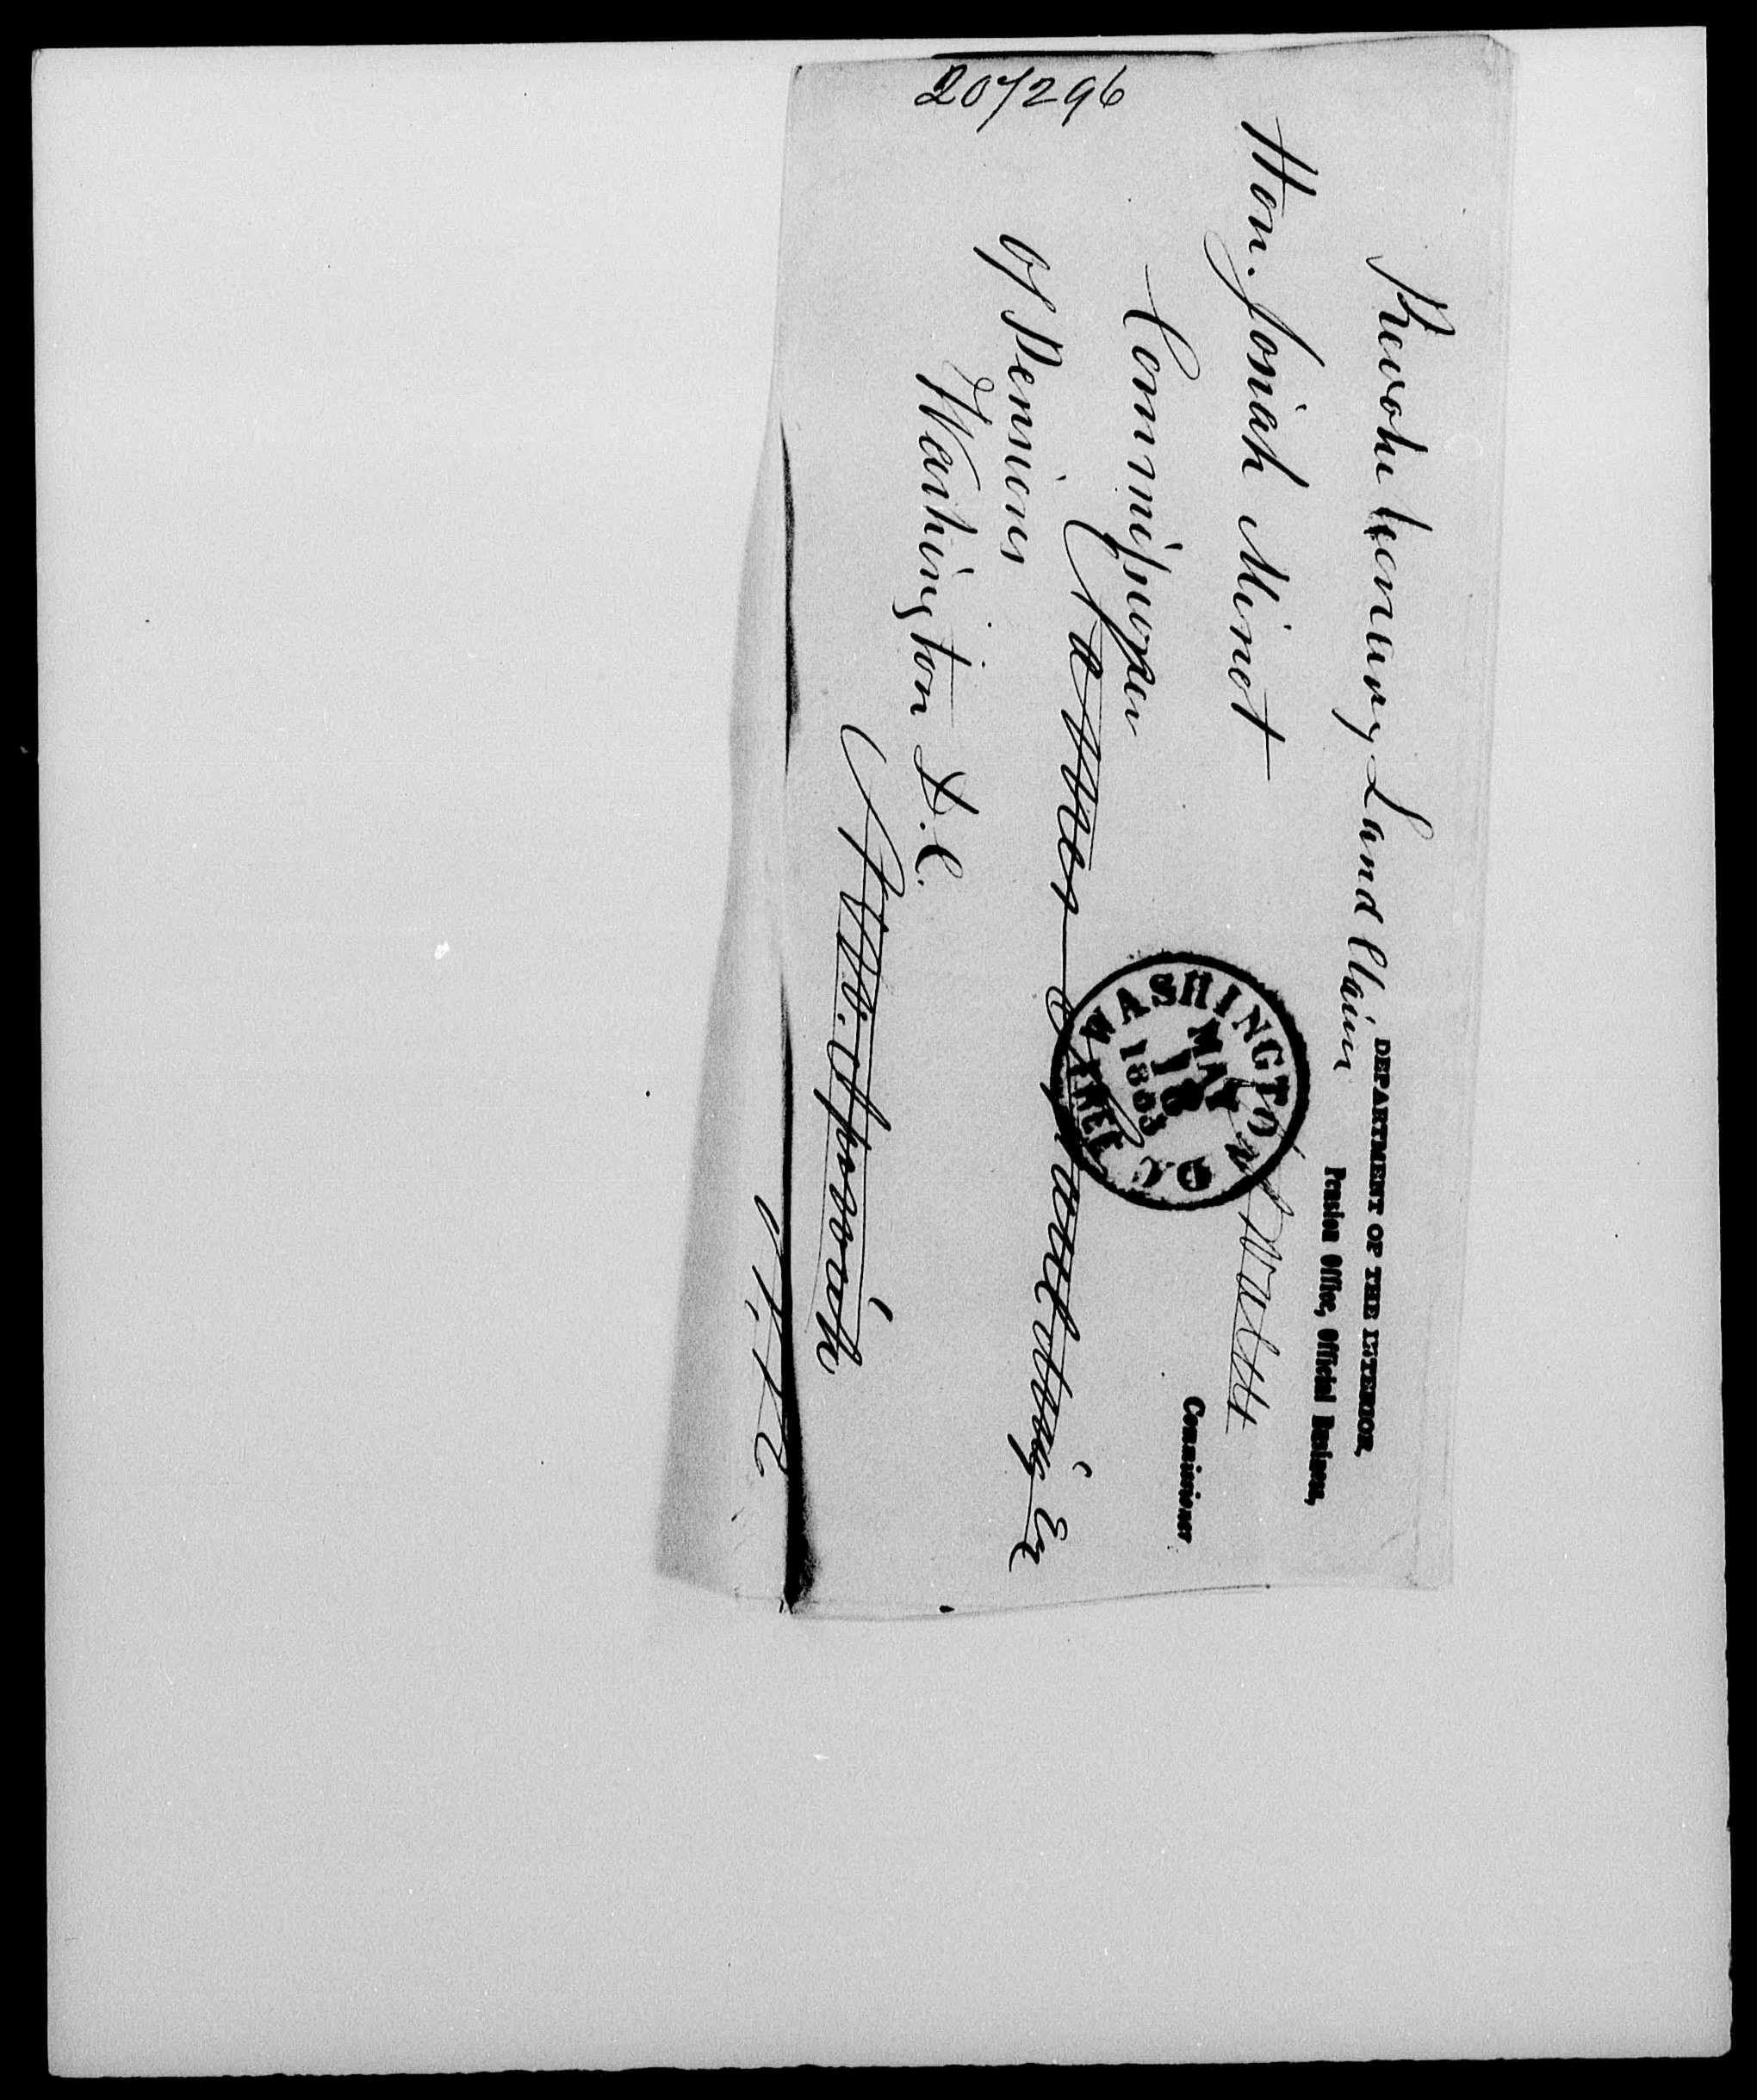207296
DEPARTMENT OF THE INTERIOR
Revolutionary Land Claim Pension Office, Official 
Hon. Josiah Minot
Commissioner
of Pensions
Washington D.C.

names: Josiah Minot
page: 11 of 16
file: B. L. Wt, 36670-160-55, Abner Ball, Mass.